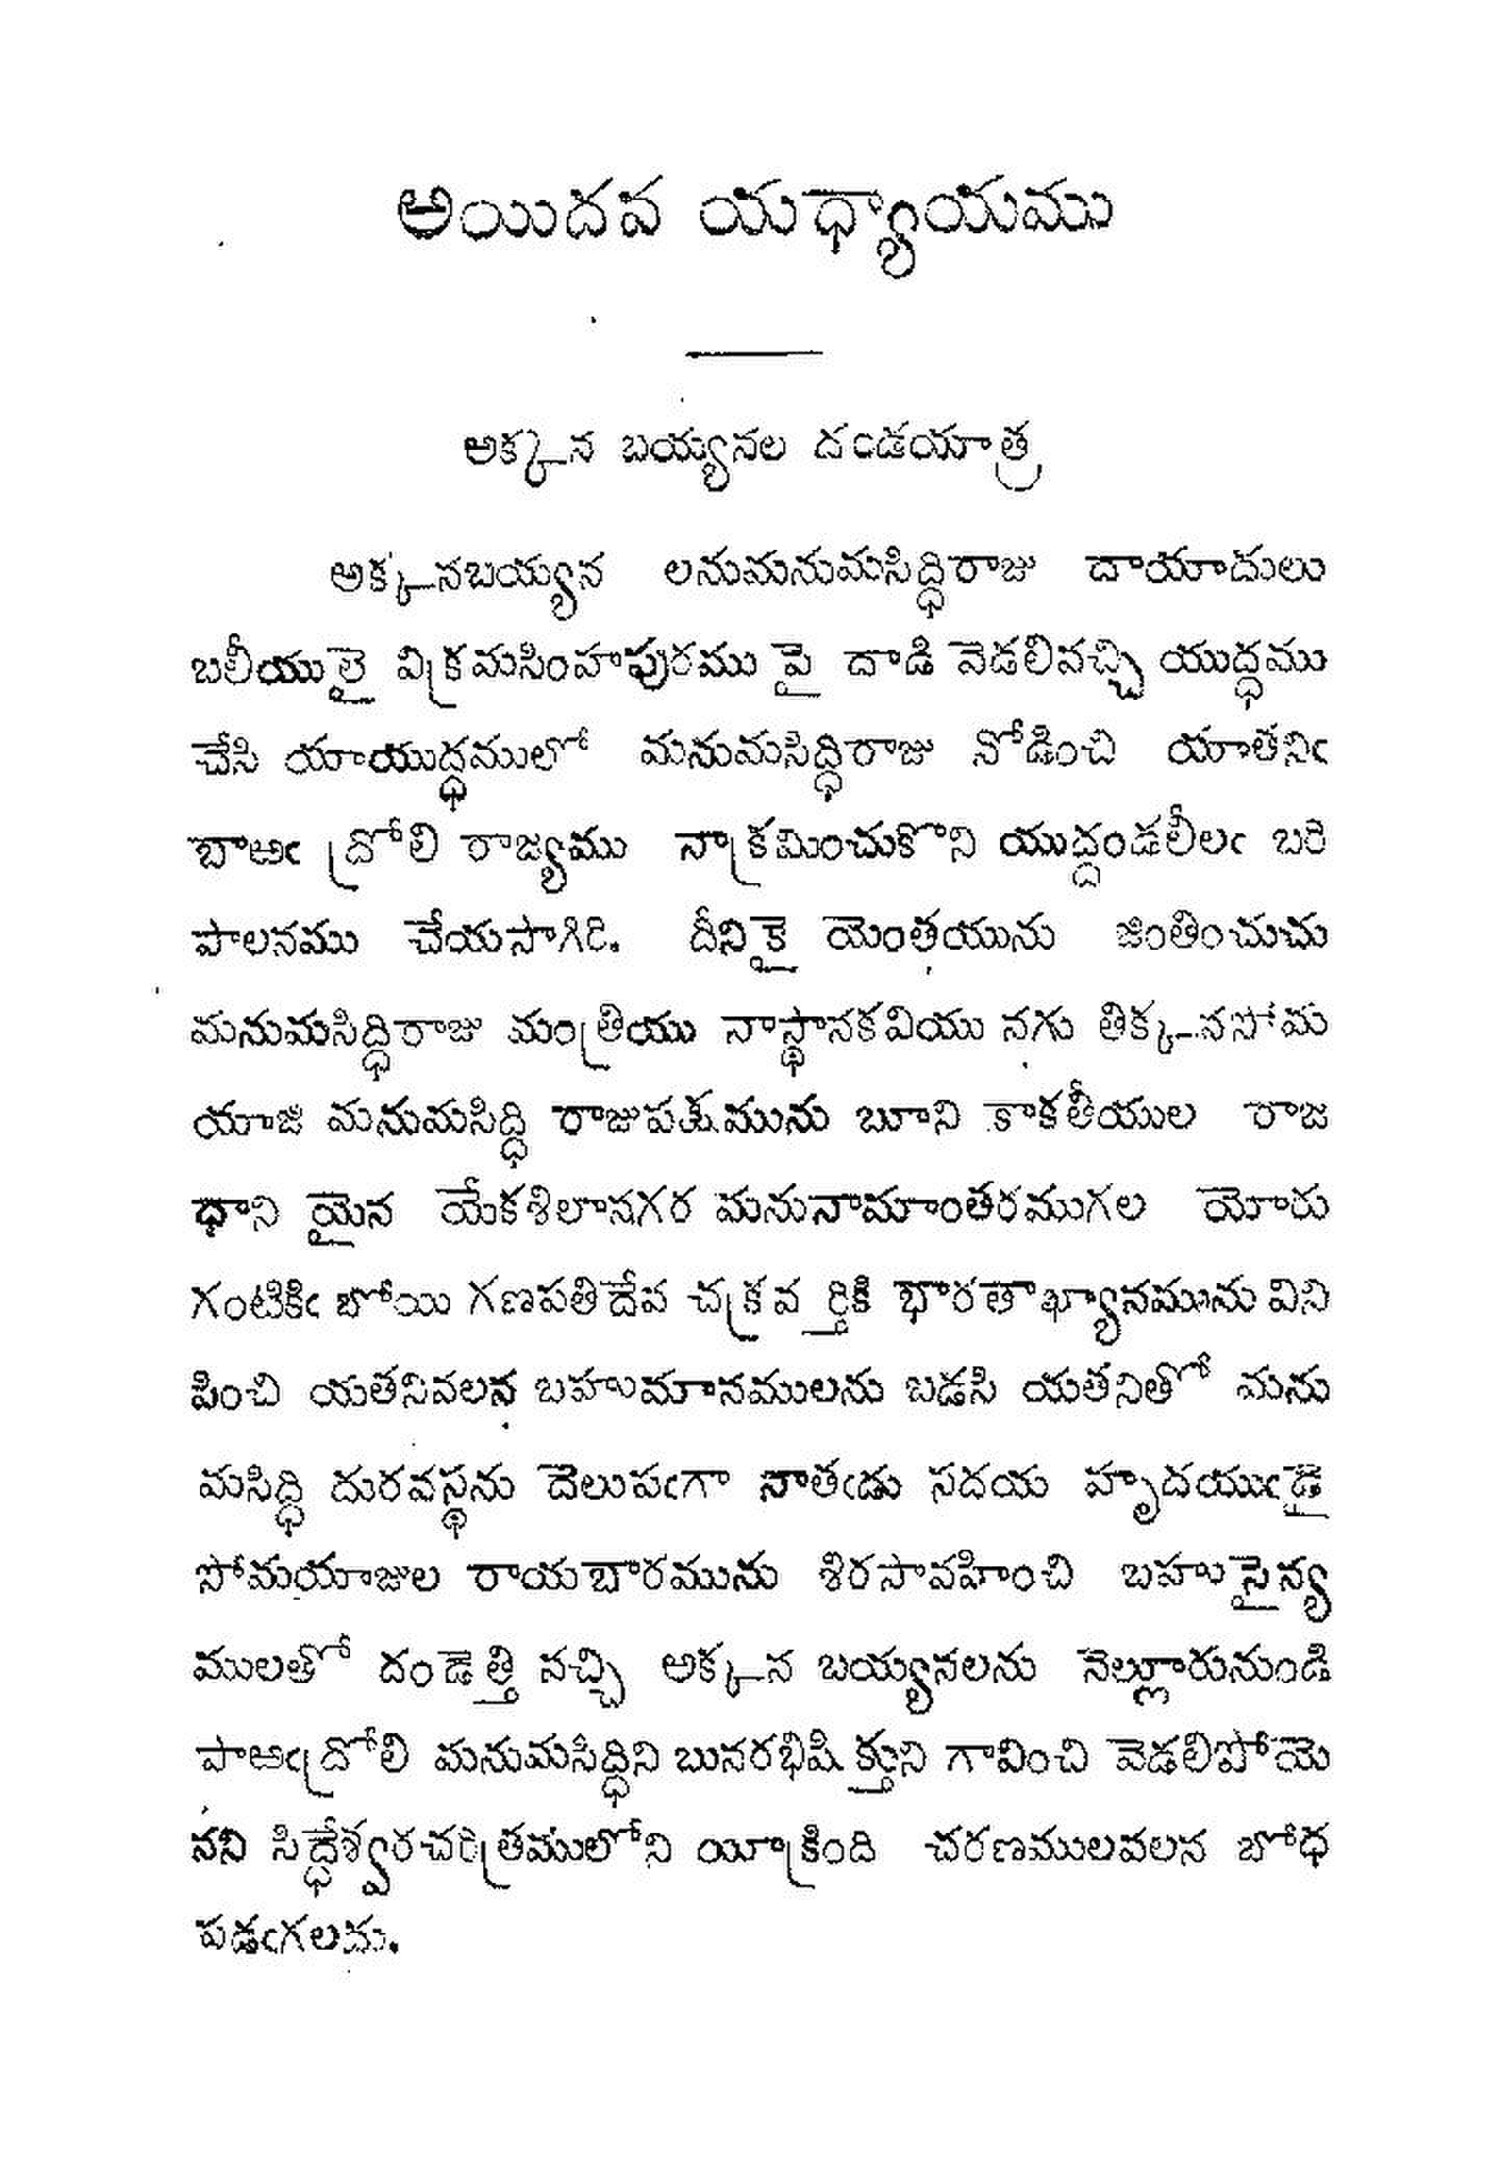అయిదవ యధ్యాయము
అక్కన బయ్యనల దండయాత్ర

అక్కనబయ్యన లనుమనుమసిద్ధిరాజు దాయాదులు బలీయులై విక్రమసింహపురముపై దాడి వెడలివచ్చి యుద్ధముచేసి యా యుద్ధములో మనుమసిద్ధిరాజు నోడించి యాతనిఁ బాఱఁ ద్రోలి రాజ్యము నాక్రమించుకొని యుద్దండలీలఁ బరిపాలనము చేయసాగిరి. దీనికై యెంతయును జింతించుచు మనుమసిద్ధిరాజు మంత్రియు నాస్థానకవియు నగు తిక్కనసోమయాజి మనుమసిద్ది రాజుపక్షమును బూని కాకతీయుల రాజధాని యైన యేకశిలానగర మనునామాంతరముగల యోరుగంటికిఁ బోయి గణపతిదేవ చక్రవర్తికి భారతాఖ్యానమును వినిపించి యతనివలన బహుమానములను బడసి యతనితో మనుమసిద్ధి దురవస్థను దెలుపఁగా నాతఁడు సదయ హృదయుఁడై సోమయాజుల రాయబారమును శిరసావహించి బహుసైన్యములతో దండెత్తి వచ్చి అక్కన బయ్యనలను నెల్లూరునుండి పాఱఁద్రోలి మనుమసిద్ధిని బునరభిషిక్తుని గావించి వెడలిపోయెనని సిద్ధేశ్వరచరిత్రములోని యీ క్రింది చరణములవలన బోధపడఁగలదు.